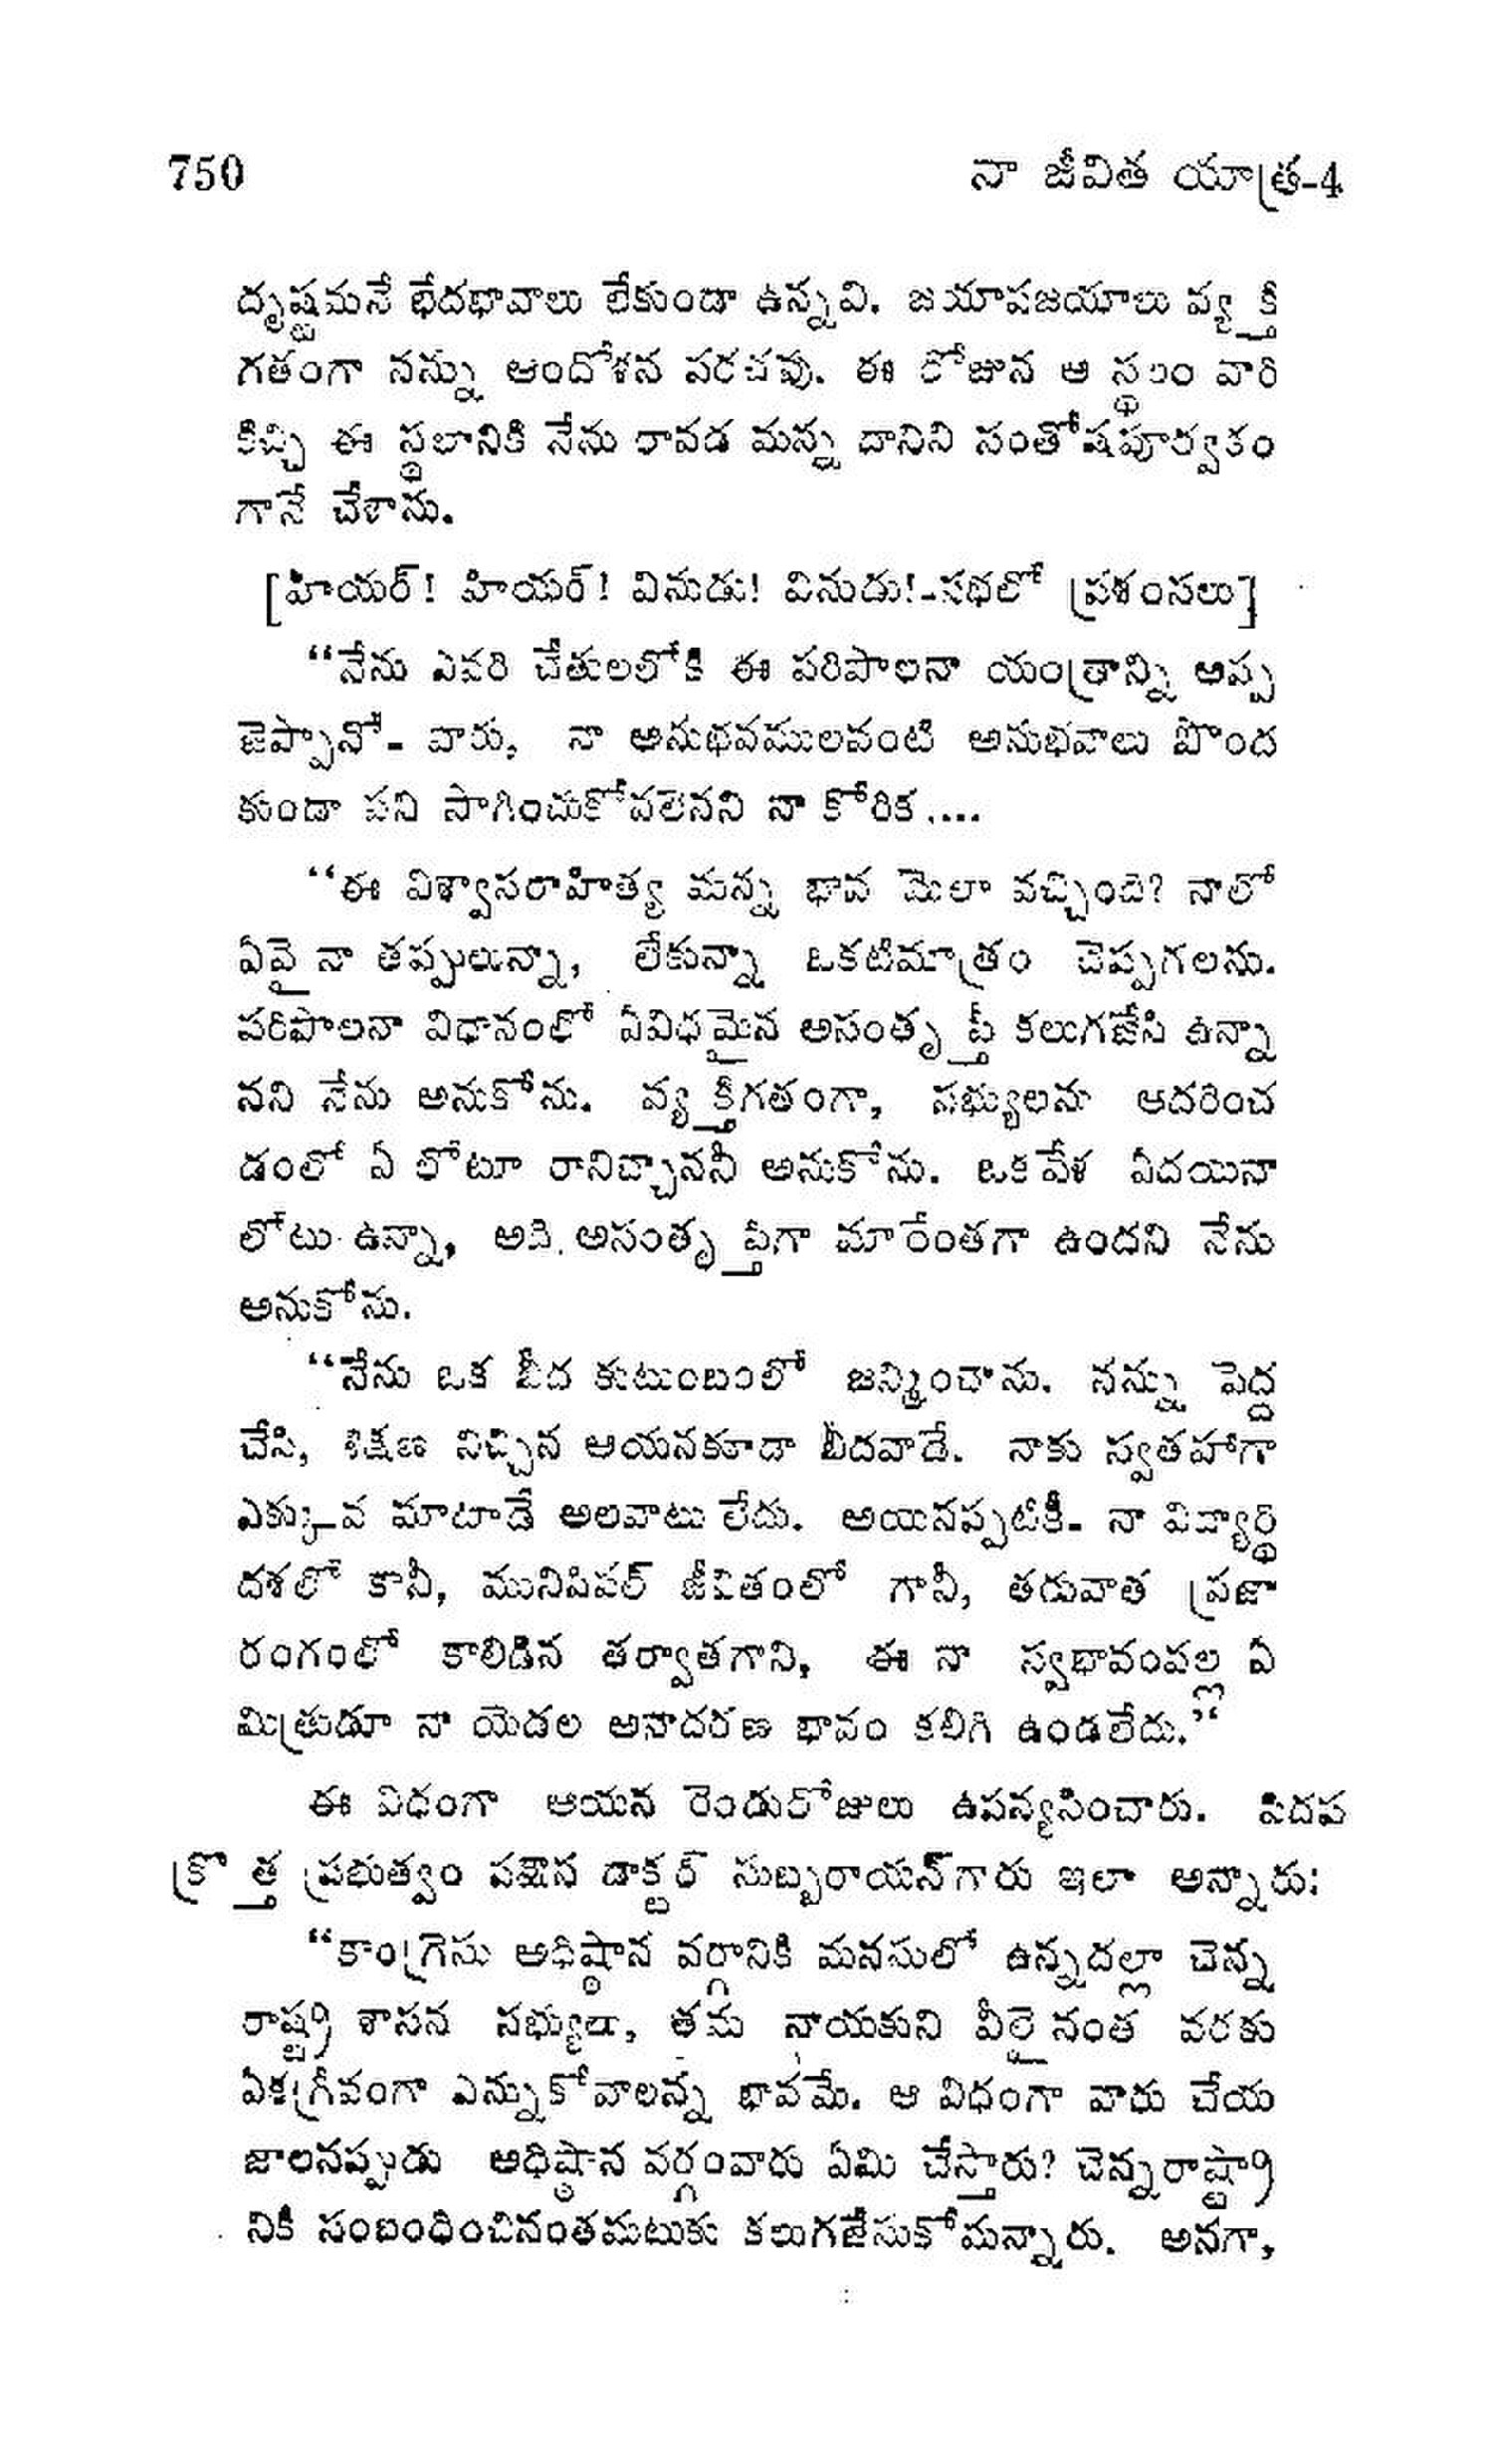దృష్టమనే భేదభావాలు లేకుండా ఉన్నవి. జయాపజయాలు వ్యక్తిగతంగా నన్ను ఆందోళన పరచవు. ఈ రోజున ఆ స్థలం వారికిచ్చి ఈ స్థలానికి నేను రావడ మన్న దానిని సంతోషపూర్వకంగానే చేశాను.

[హియర్! హియర్! వినుడు! వినుడు! - సభలో ప్రశంసలు]

"నేను ఎవరి చేతులలోకి ఈ పరిపాలనా యంత్రాన్ని అప్పజెప్పానో - వారు, నా అనుభవములవంటి అనుభవాలు పొందకుండా పని సాగించుకోవలెనని నా కోరిక...

"ఈ విశ్వాసరాహిత్య మన్న భావ మెలా వచ్చింది? నాలో ఏవైనా తప్పులున్నా, లేకున్నా ఒకటిమాత్రం చెప్పగలను. పరిపాలనా విధానంలో ఏవిధమైన అసంతృప్తీ కలుగజేసి ఉన్నానని నేను అనుకోను. వ్యక్తిగతంగా, సభ్యులను ఆదరించడంలో ఏ లోటూ రానిచ్చానని అనుకోను. ఒకవేళ ఏదయినా లోటు ఉన్నా, అది అసంతృప్తిగా మారేంతగా ఉందని నేను అనుకోను.

"నేను ఒక బీద కుటుంబంలో జన్మించాను. నన్ను పెద్దచేసి, శిక్షణ నిచ్చిన ఆయనకూడా బీదవాడే. నాకు స్వతహాగా ఎక్కువ మాటాడే అలవాటు లేదు. అయినప్పటికి - నా విద్యార్థి దశలో కానీ, మునిసిపల్ జీవితంలో గానీ, తరువాత ప్రజారంగంలో కాలిడిన తర్వాతగాని, ఈ నా స్వభావంవల్ల ఏ మిత్రుడూ నా యెడల అనాదరణ భావం కలిగి ఉండలేదు."

ఈ విధంగా ఆయన రెండురోజులు ఉపన్యసించారు. పిదప క్రొత్త ప్రభుత్వం పక్షాన డాక్టర్ సుబ్బరాయన్‌గారు ఇలా అన్నారు:

"కాంగ్రెసు అధిష్ఠాన వర్గానికి మనసులో ఉన్నదల్లా చెన్నరాష్ట్ర శాసన సభ్యులు, తమ నాయకుని వీలైనంత వరకు ఏకగ్రీవంగా ఎన్నుకోవాలన్న భావమే. ఆ విధంగా వారు చేయజాలనప్పుడు అధిష్ఠాన వర్గంవారు ఏమి చేస్తారు? చెన్నరాష్ట్రానికి సంబంధించినంతమటుకు కలుగజేసుకోమన్నారు. అనగా,